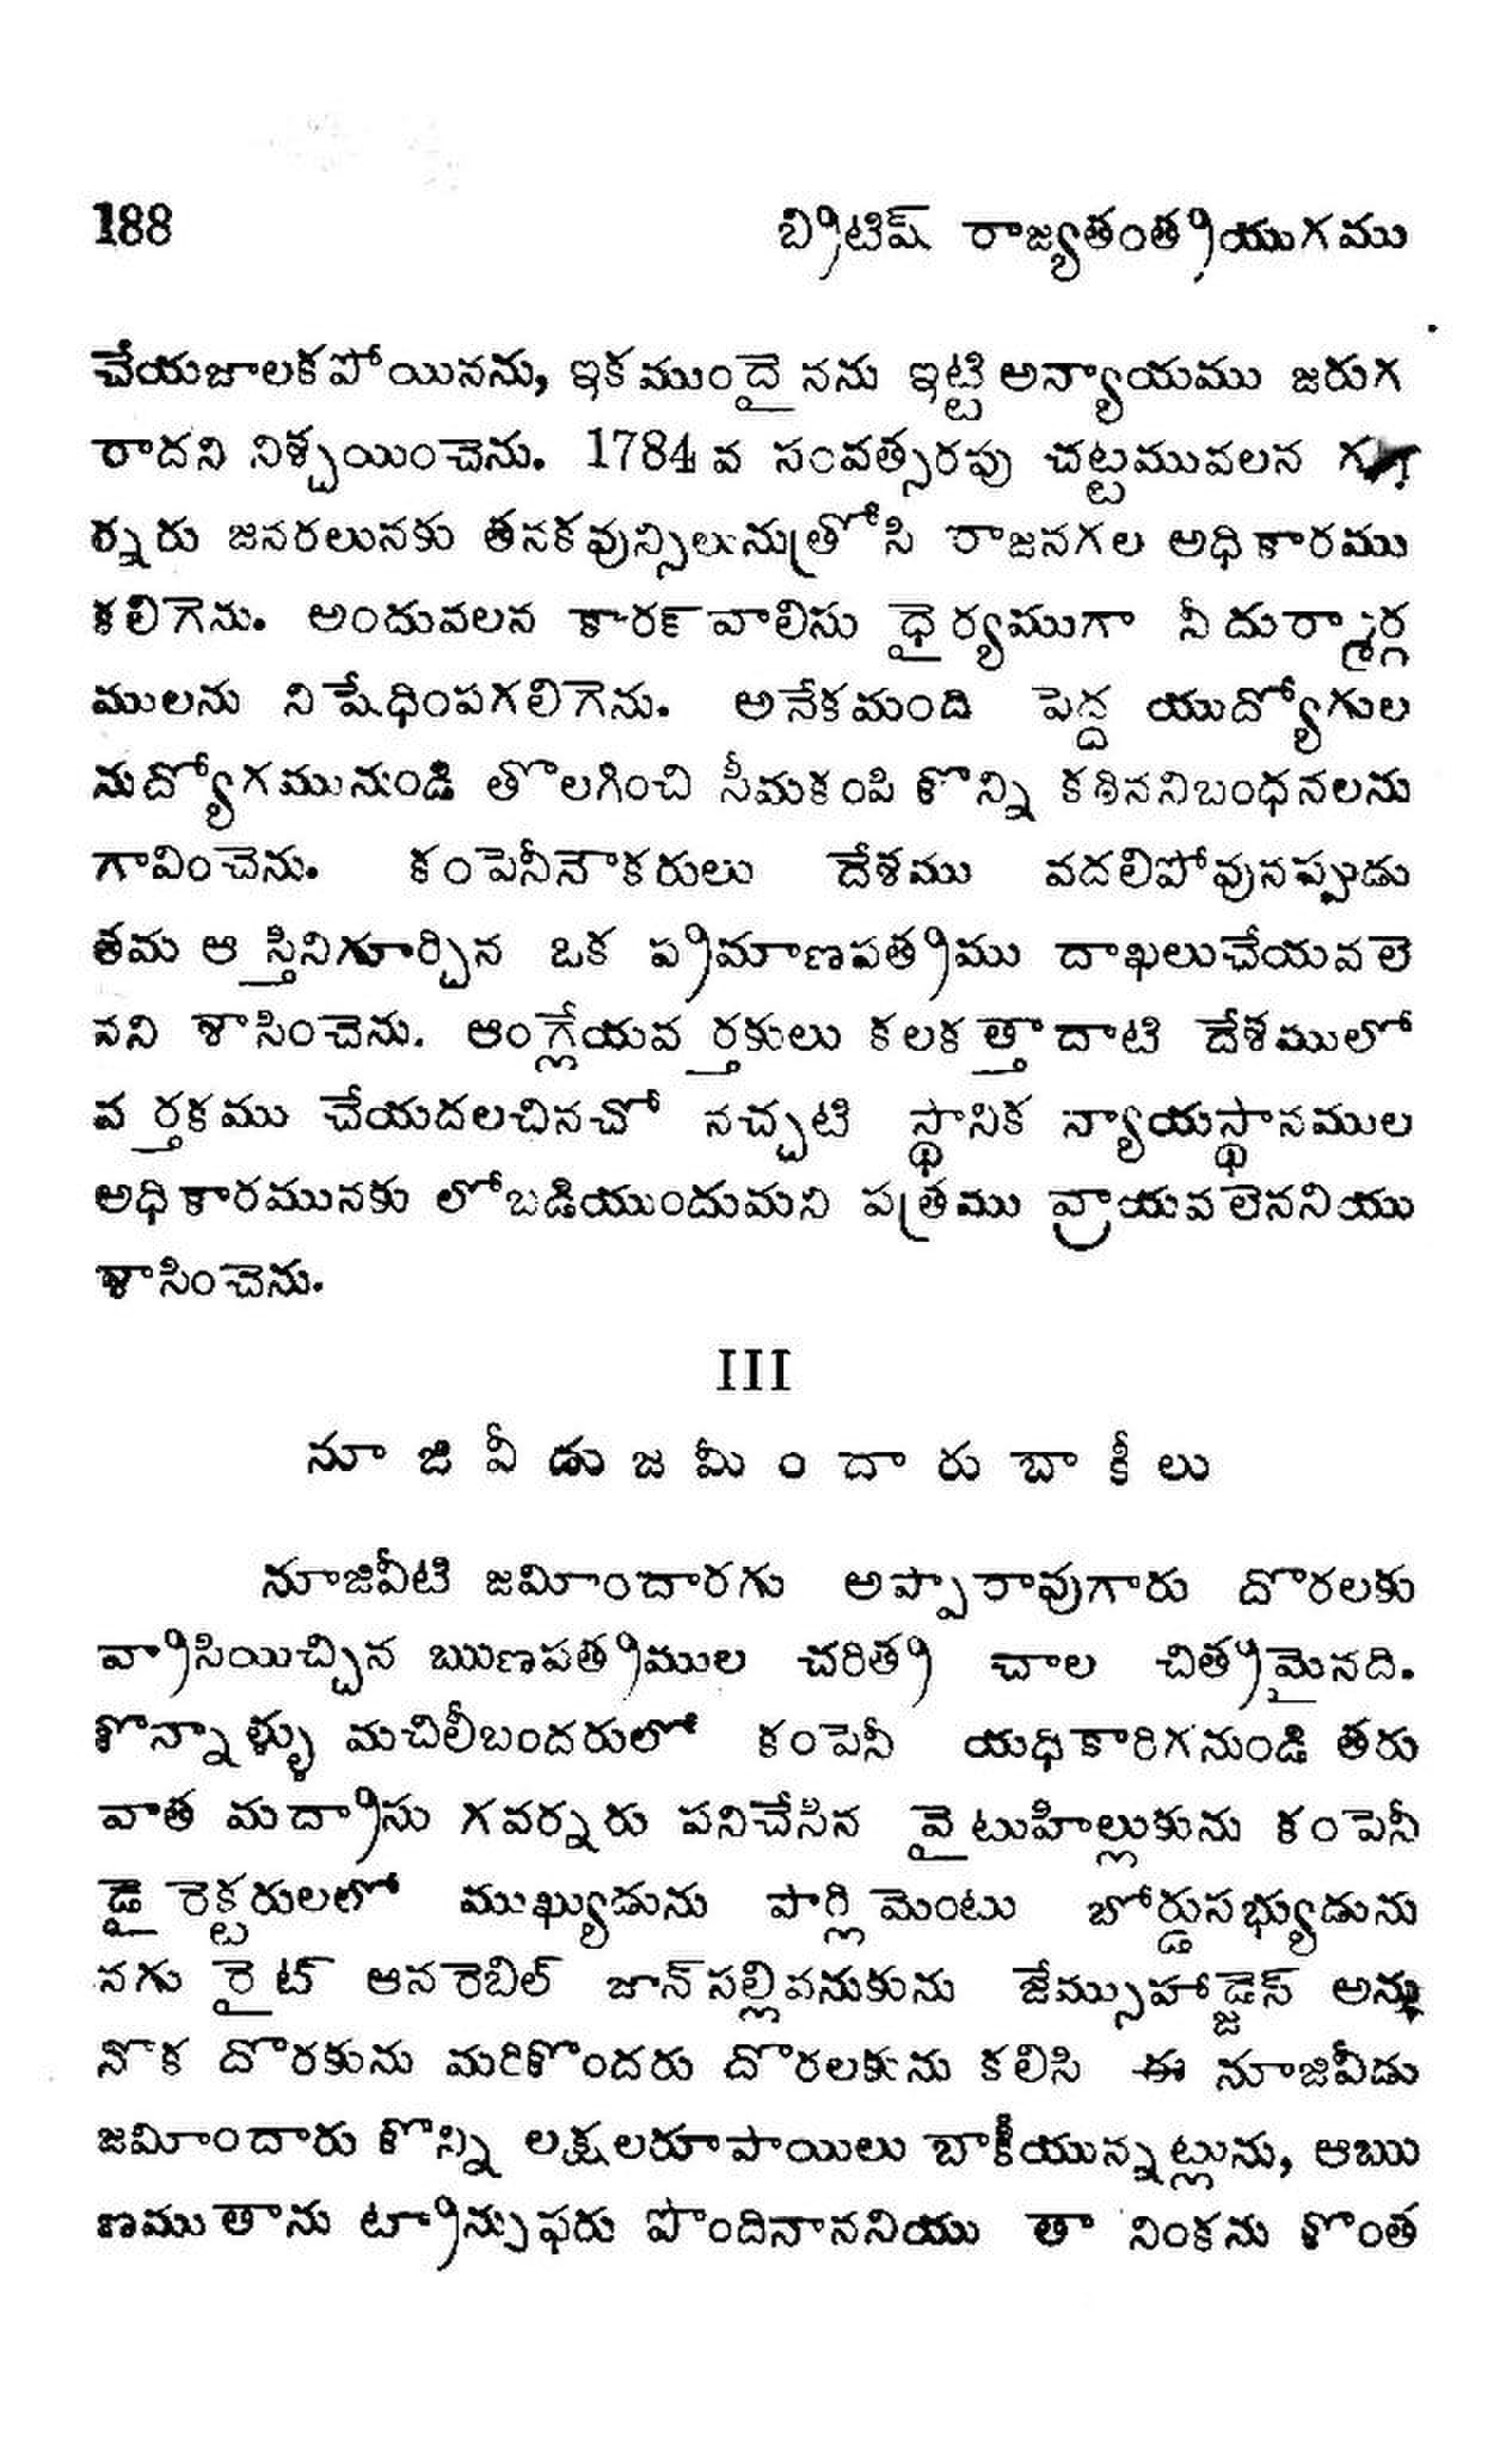చేయజాలకపోయినను, ఇకముందైనను ఇట్టి అన్యాయము జరుగరాదని నిశ్చయించెను. 1784 వ సంవత్సరపు చట్టమువలన గవర్నరు జనరలునకు తనకవున్సిలునుత్రోసి రాజనగల అధికారము కలిగెను. అందువలన కార౯ వాలిసు ధైర్యముగా నీ దుర్మార్గములను నిషేధింపగలిగెను. అనేకమంది పెద్ద యుద్యోగుల నుద్యోగమునుండి తొలగించి సీమకంపి కొన్ని కఠిననిబంధనలను గావించెను. కంపెనీనౌకరులు దేశము వదలిపోవునప్పుడు తమ ఆస్తినిగూర్చిన ఒక ప్రమాణపత్రము దాఖలుచేయవలెనని శాసించెను. ఆంగ్లేయవర్తకులు కలకత్తా దాటి దేశములో వర్తకము చేయదలచినచో నచ్చటి స్థానిక న్యాయస్థానముల అధికారమునకు లోబడియుందుమని పత్రము వ్రాయవలెననియు శాసించెను.

III
నూజివీడుజమీందారు బాకీలు

నూజివీటి జమిందారగు అప్పారావుగారు దొరలకు వ్రాసియిచ్చిన ఋణపత్రముల చరిత్ర చాల చిత్రమైనది. కొన్నాళ్ళు మచిలీబందరులో కంపెనీ యధికారిగనుండి తరువాత మద్రాసు గవర్నరు పనిచేసిన వైటుహిల్లుకును కంపెనీ డైరెక్టరులలో ముఖ్యుడును పార్లిమెంటు బోర్డుసభ్యుడునునగు రైట్ ఆనరెబిల్ జాన్ సల్లివనుకును జేమ్సుహాడ్జెన్ అనునొక దొరకును మరికొందరు దొరలకును కలిసి ఈ నూజివీడు జమీందారు కొన్ని లక్షలరూపాయిలు బాకీయున్నట్లును, ఆఋణముతాను టాన్సుఫరు పొందినాననియు తా నింకను కొంత